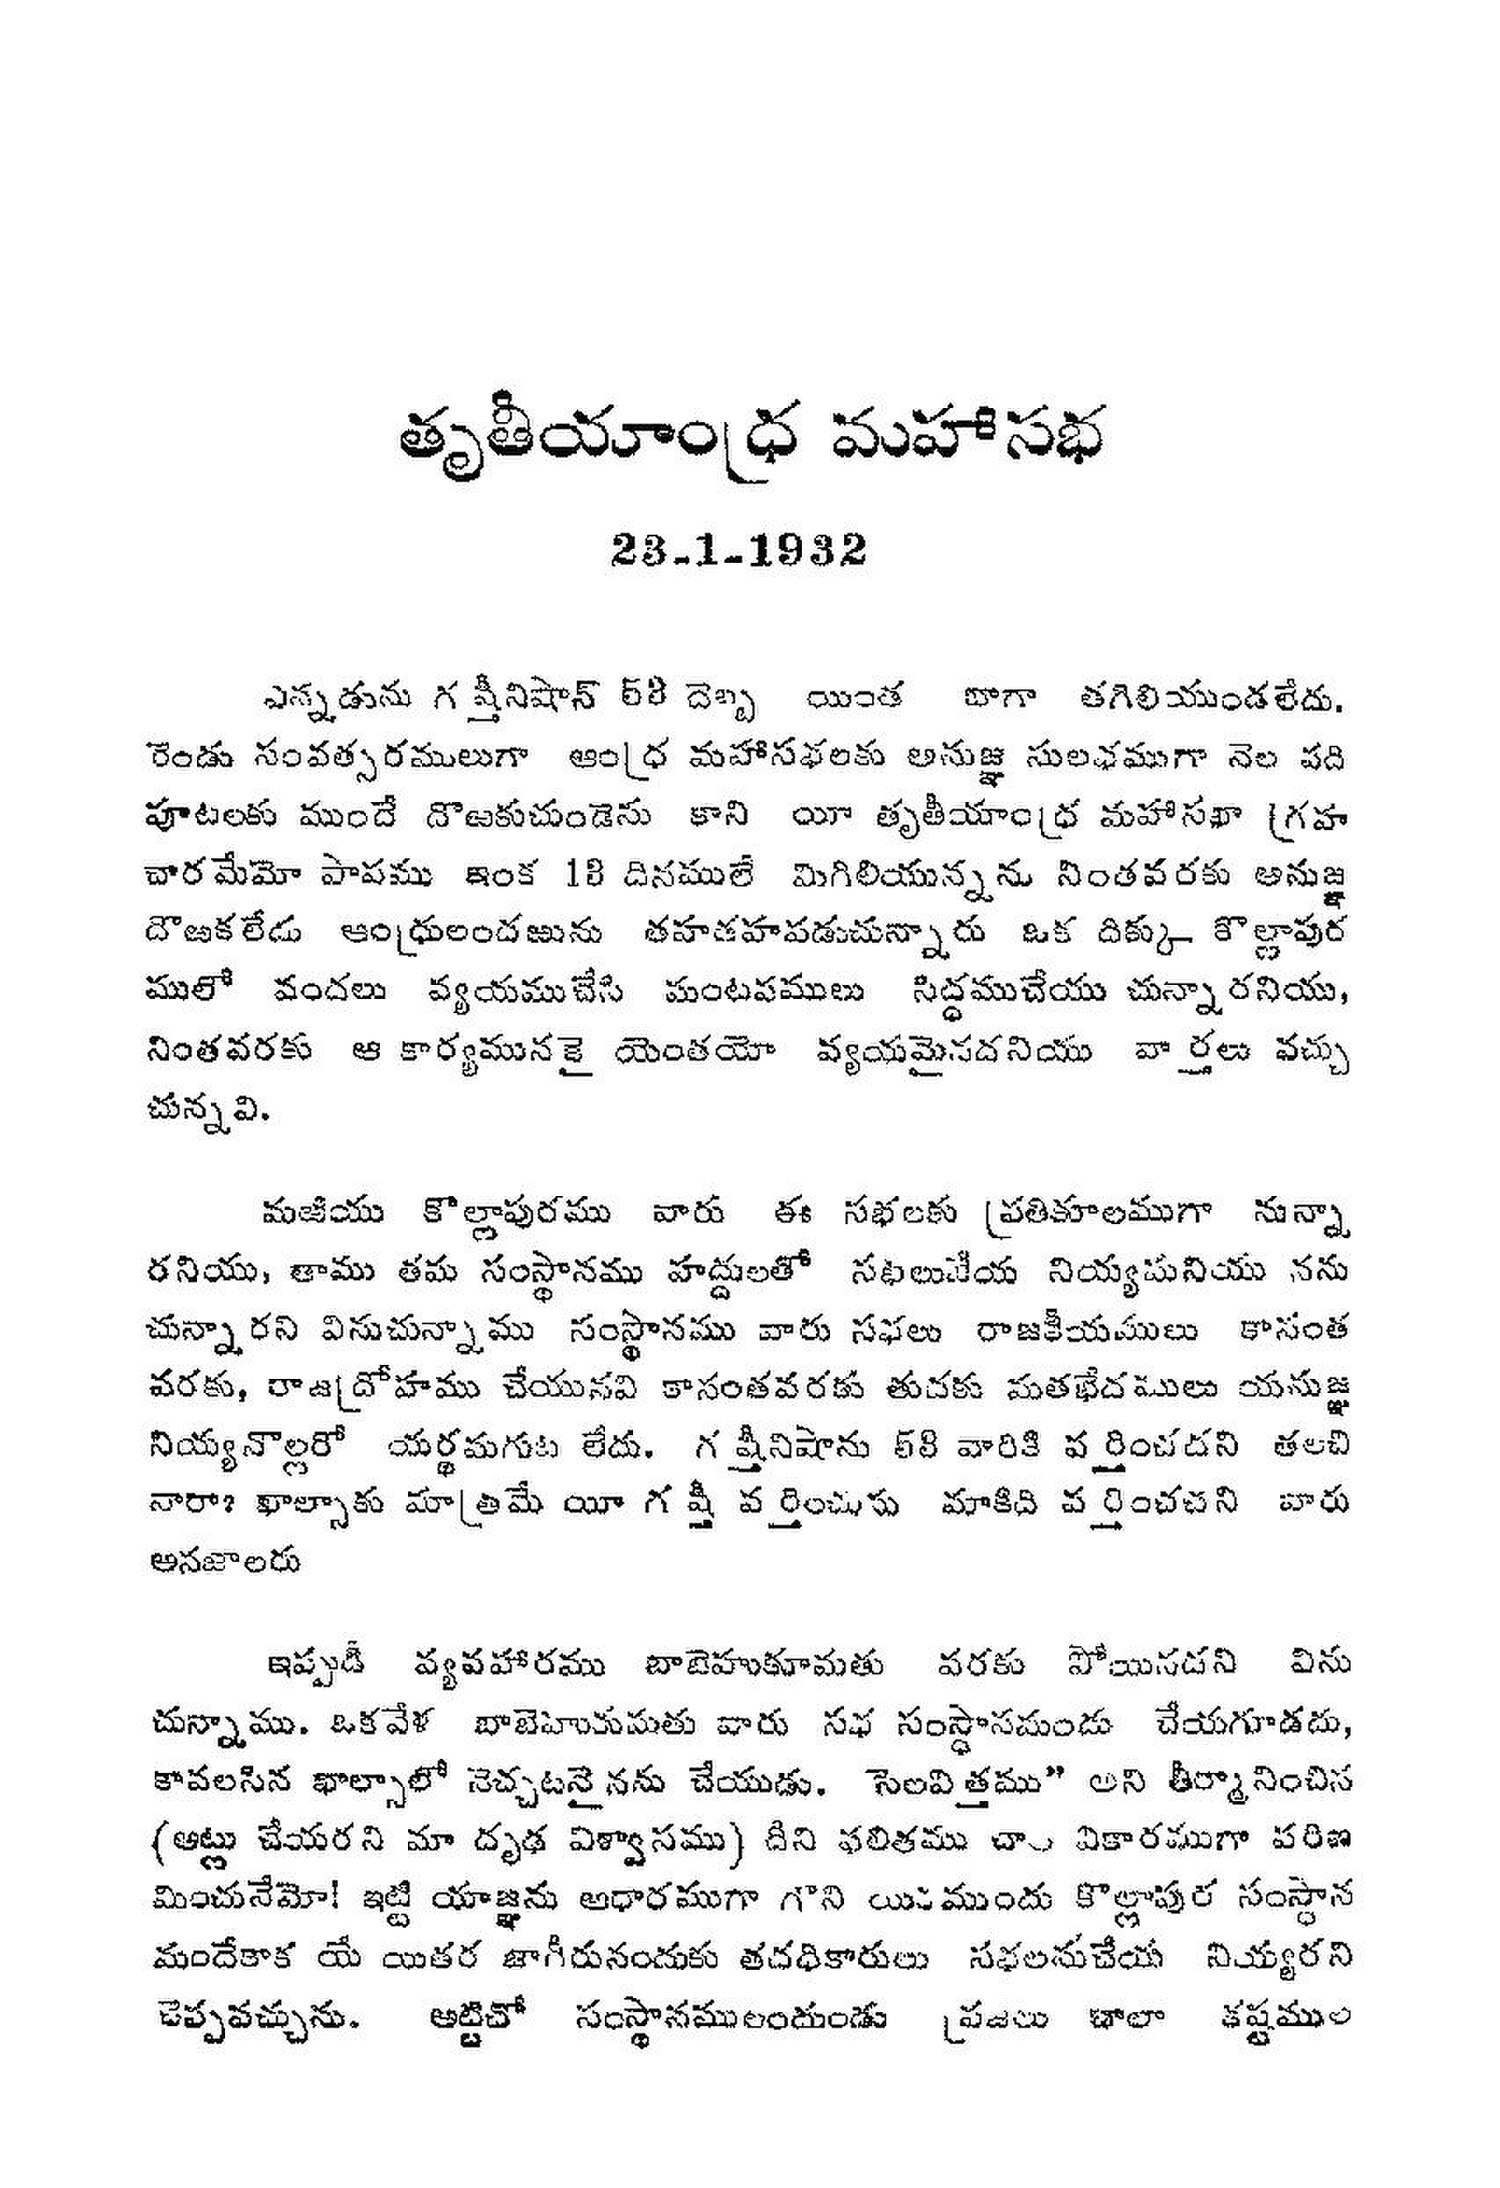తృతీయాంధ్ర మహాసభ

23-1-1932

ఎన్నడును గష్తీనిషాన్ 53 దెబ్బ యింత బాగా తగిలియుండలేదు. రెండు సంవత్సరములుగా ఆంధ్ర మహాసభలకు అనుజ్ఞ సులభముగా నెల పది పూటలకు ముందే దొఱకుచుండెను కాని యీ తృతీయాంధ్ర మహాసభా గ్రహచారమేమో పాపము ఇంక 13 దినములే మిగిలియున్నను నింతవరకు అనుజ్ఞ దొఱకలేదు ఆంధ్రులందఱును తహతహపడుచున్నారు ఒక దిక్కు కొల్లాపురములో వందలు వ్యయముచేసి మంటపములు సిద్ధముచేయు చున్నారనియు, నింతవరకు ఆ కార్యమునకై యెంతయో వ్యయమైనదనియు వార్తలు వచ్చు చున్నవి.

మఱియు కొల్లాపురము వారు ఈ సభలకు ప్రతికూలముగా నున్నారనియు, తాము తమ సంస్థానము హద్దులతో సభలుచేయ నియ్యమనియు ననుచున్నారని వినుచున్నాము సంస్థానము వారు సభలు రాజకీయములు కానంత
వరకు, రాజద్రోహము చేయునవి కానంతవరకు తుదకు మతభేదములు యనుజ్ఞ నియ్యనొల్లరో యర్థమగుట లేదు. గష్తీనిషాను 53 వారికి వర్తించదని తలచినారా? ఖాల్సాకు మాత్రమే యీ గష్తీ వర్తించును మాకిది వర్తించదని వారు
అనజాలరు

ఇప్పుడీ వ్యవహారము బాబెహుకూమతు వరకు పోయినదని వినుచున్నాము. ఒక వేళ బాబెహుకుమతు వారు సభ సంస్థానమందు చేయగూడదు, కావలసిన ఖాల్సాలో నెచ్చటనైనను చేయుడు. సెలవిత్తము" అని తీర్మానించిన
(అట్లు చేయరని మా దృఢ విశ్వాసము) దీని ఫలితము చాల వికారముగా పరిణమించునేమో! ఇట్టి యాజ్ఞను ఆధారముగా గొని యికముందు కొల్లాపుర సంస్థానమందేకాక యే యితర జాగీరునందుకు తదధికారులు సభలనుచేయ నియ్యరని చెప్పవచ్చును. అట్టిచో సంస్థానములందుండు ప్రజలు చాలా కష్టముల